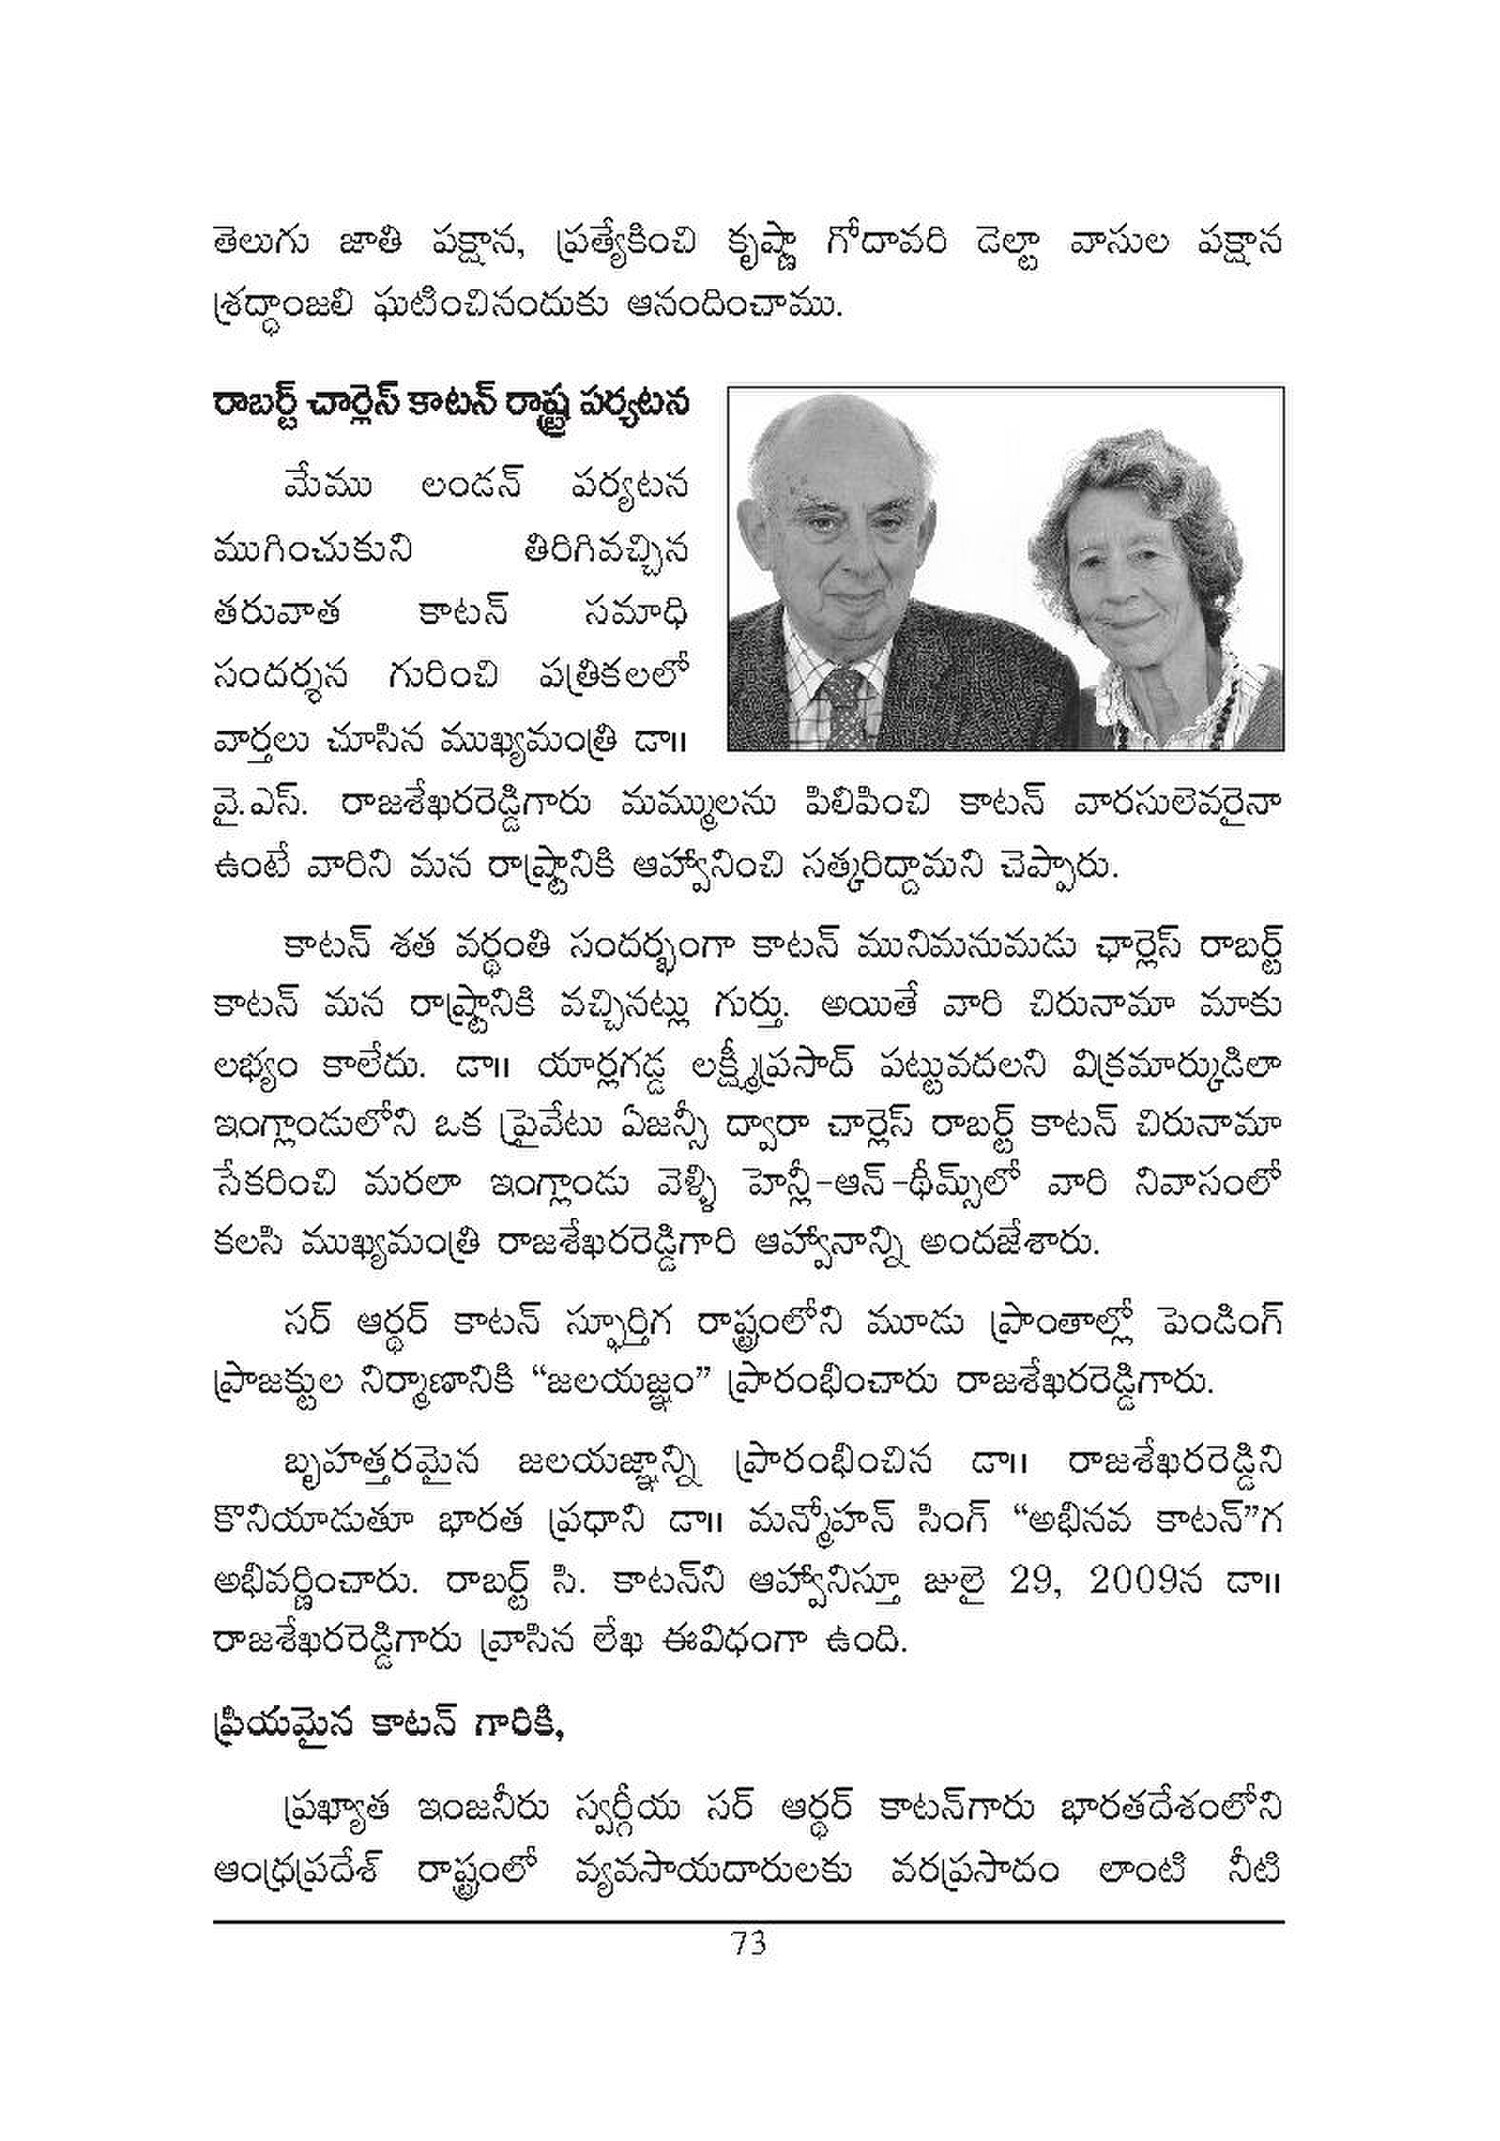తెలుగు జాతి పక్షాన, ప్రత్యేకించి కృష్ణా గోదావరి డెల్లా వాసుల పక్షాన శ్రద్ధాంజలి ఘటించినందుకు ఆనందించాము.

రాబర్ట్ చార్లెస్ కాటన్ రాష్ట్ర పర్యటన

మేము లండన్ పర్యటన ముగించుకుని తిరిగివచ్చిన తరువాత కాటన్ సమాధి సందర్శన గురించి పత్రికలలో వార్తలు చూసిన ముఖ్యమంత్రి డా॥ వై.ఎస్. రాజశేఖరరెడ్డిగారు మమ్మలను పిలిపించి కాటన్ వారసులెవరైనా ఉంటే వారిని మన రాష్ట్రానికి ఆహ్వానించి సత్కరిద్దామని చెప్పారు.

కాటన్ శత వర్ధంతి సందర్భంగా కాటన్ మునిమనుమడు ఛార్లెస్ రాబర్ట్ కాటన్ మన రాష్ట్రానికి వచ్చినట్లు గుర్తు. అయితే వారి చిరునామా మాకు లభ్యం కాలేదు. డా॥ యార్లగడ్డ లక్ష్మీప్రసాద్ పట్టువదలని విక్రమార్ముడిలా ఇంగ్లాండులోని ఒక ప్రైవేటు ఏజన్సీ ద్వారా చార్లెస్ రాబర్ట్ కాటన్ చిరునామా సేకరించి మరలా ఇంగ్లాండు వెళ్లి హెన్లీ-ఆన్ -థీమ్స్లో వారి నివాసంలో కలసి ముఖ్యమంత్రి రాజశేఖరరెడ్డిగారి ఆహ్వానాన్ని అందజేశారు.

సర్ ఆర్థర్ కాటన్ స్ఫూర్తిగ రాష్ట్రంలోని మూడు ప్రాంతాల్లో పెండింగ్ ప్రాజక్టుల నిర్మాణానికి "జలయజ్ఞం" ప్రారంభించారు రాజశేఖరరెడ్డిగారు.

బృహత్తరమైన జలయజ్ఞాన్ని ప్రారంభించిన డా॥ రాజశేఖరరెడ్డిని కొనియాడుతూ భారత ప్రధాని డా॥ మన్మోహన్ సింగ్ 'అభినవ కాటన్"గా అభివర్ణించారు. రాబర్ట్ సి. కాటన్ని ఆహ్వానిస్తూ జులై 29, 2009న డా॥ రాజశేఖరరెడ్డిగారు వ్రాసిన లేఖ ఈవిధంగా ఉంది.

ప్రియమైన కాటన్ గారికి,
ప్రఖ్యాత ఇంజనీరు స్వర్టీయ సర్ ఆర్థర్ కాటన్గారు భారతదేశంలో ఆంధ్రప్రదేశ్ రాష్ట్రంలో వ్యవసాయదారులకు వరప్రసాదం లాంటి నీటి